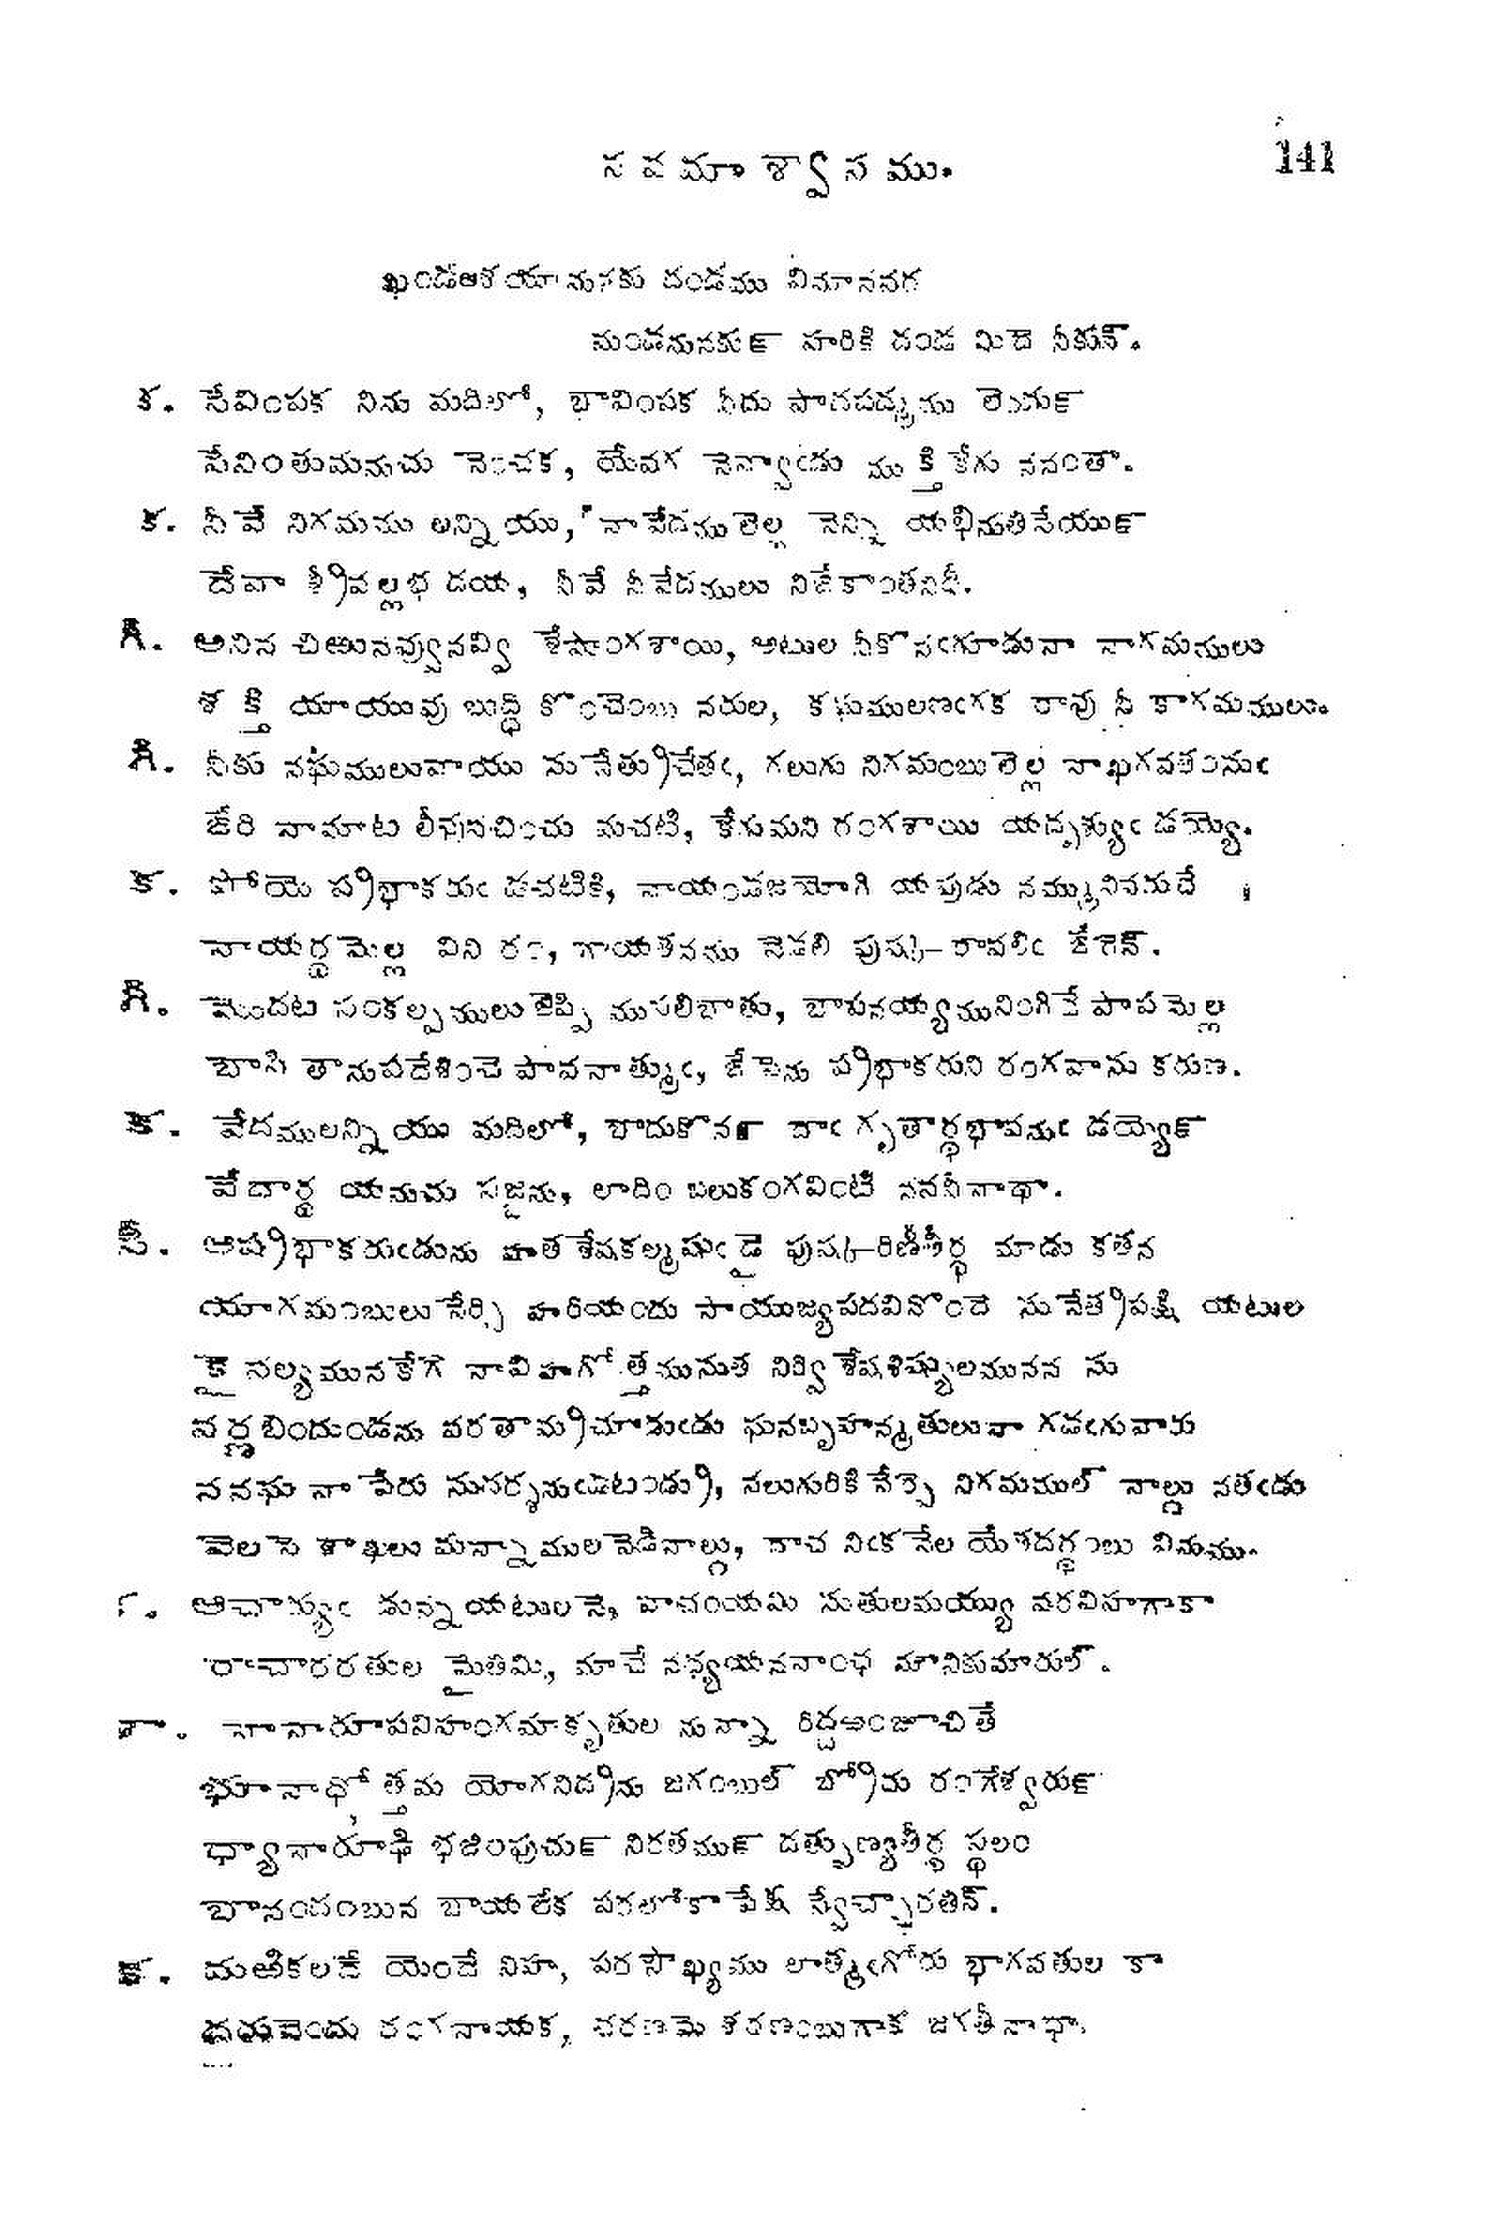ఖండలశయానునకు దండము విమానవర
 మండనునకున్ హరికి దండ మిదె నీకున్.
క. సేవింపక నిను మదిలో, భావింపక నీదు పాదపద్మము లెందున్
 సేవింతుమనుచు నెంచక, యేవగ నెవ్వాఁడు ముక్తి కేగు ననంతా.
క. నీవే నిగమము లన్నియు, నావేదములెల్ల నెన్ని యభినుతి సేయున్
 దేవా శ్రీవల్లభ దయ, నీవే నీవేదములు నిజేకాంతనిధీ.
గీ. అనిన చిఱునవ్వు నవ్వి శేషాంగశాయి, అటుల నీకొనఁగూడునా నాగమములు
 శక్తి యాయువు బుద్ధి కొంచెంబు నరుల, కఘము లణఁగక రావు నీ కాగమములు.
గీ. నీకు నఘములు వాయు సునేత్రుచేతఁ, గలుగు నిగమంబులెల్ల నాఖగవతంసుఁ
 జేరి నామాట లీవు వచించు మచటి, కేగుమని రంగశాయి యదృశ్యుఁ డయ్యె.
క. పోయె ప్రభాకరుఁ డచటికి, నాయండజయోగి యపుడు నమ్మునివరుచే
 నాయర్థమెల్ల విని రం, గాయతనము నెడలి పుష్కరావలిఁ జేరెన్.
గీ. మొదట సంకల్పములు జెప్పి ముసలిబాతు, బాపనయ్య మునింగి దే పాపమెల్ల
 బాసి తా నుపదేశించె పావనాత్ముఁ, జేసెను ప్రభాకరుని రంగవాసుకరుణ.
క. వేదములన్నియు మదిలో, బాదుకొనన్ దాఁ గృతార్థభావనుఁ డయ్యెన్
 వేదార్థ యనుచు సజ్జను, లాదిం బలుకంగవింటి నవనీనాథా.
సీ. ఆప్రభాకరుఁడును హతశేషకల్మషుఁడై పుష్కరిణీతీర్ధ మాడు కతన
 యాగమంబులు నేర్చి హరియందు సాయుజ్యపదవి నొందె సునేత్రపక్షి యటుల
 కైవల్యమున కేగె నావిహగోత్తమునుత నిర్విశేషశిష్యులమునన సు
 వర్ణబిందుండను వరతామ్రచూడుఁడు ఘనబృహన్మతులు నా గడఁగువారు
 ననను నాపేరు సుదర్శనుఁ డటండ్రు, నలుగురికి నేర్పె నిగమముల్ నాల్గు నతఁడు
 వెలసె శాఖలు మన్నాములనెడినాల్గు, దాచ నిఁక నేల యేతదర్థంబు వినుము.
క. ఆచార్యుఁ డున్నయటులనె, వాచంయమి సుతులమయ్యు వరవిహగాకా
 రాచారరతుల మైతిమి, మాచే నధ్యయనవాంఛ మౌనికుమారుల్.
శా. నానారూపనిహంగమాకృతుల నున్నా రిద్దఱం జూచితే
 భూనాథోత్తమ యోగనిద్రను జగంబుల్ బ్రోచు రంగేశ్వరున్
 ధ్యానారూఢి భజింపుచున్ నిరతమున్ దత్తుణ్యతీర్థస్థలం
 బానందంబున బాయలేక పరలోకాపేక్ష స్వేచ్ఛారతిన్.
క. మఱికలదే యెందే నిహ, పరసౌఖ్యము లాత్మఁ గోరు భాగవతుల కా
 దరు దెందు రంగనాయక, చరణమె శరణంబుగాక జగతీనాథా.